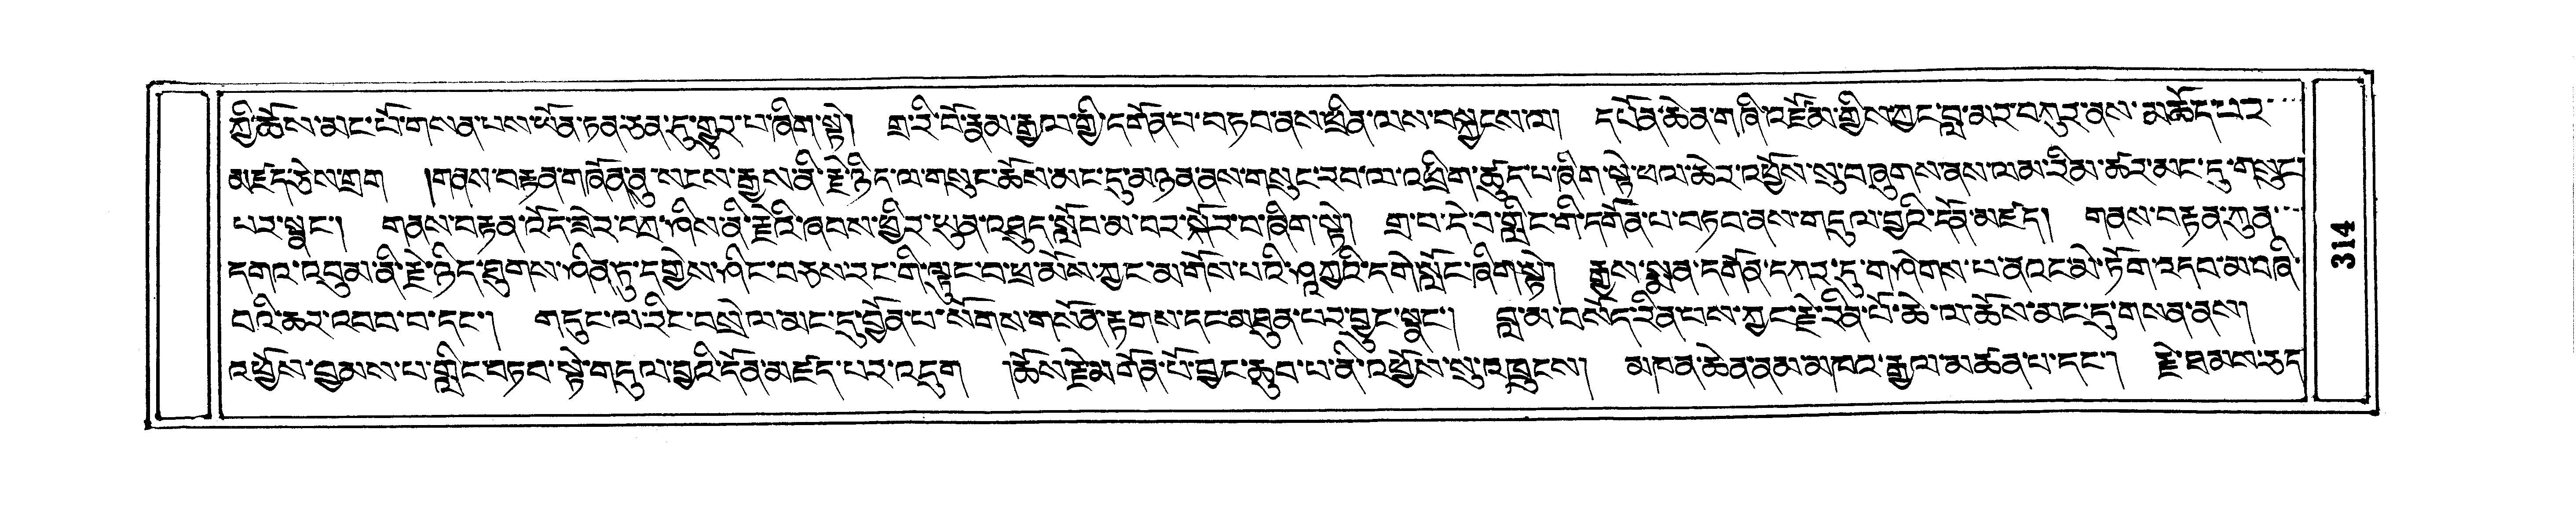ཀྱི་ཆོས་མང་པོ་གསན་པས་ཡོན་ཏན་ཅན་དུ་གྱུར་པ་ཞིག་སྟེ། གྲ་རི་བོ་རྣམ་རྒྱལ་གྱི་དགོན་པ་བཏབ་ནས་ཕྲིན་ལས་བསྐྱངས་ལ། དཔོན་ཆེན་གཞི་འཛོམ་གྱིས་ཀྱང་བླ་མར་བཀུར་ནས་མཆོད་པར་
མཛད་ཅེས་གྲག །གནས་བརྟན་གཞོན་ནུ་སངས་རྒྱས་ནི་རྗེ་ཉིད་ལ་གསུང་ཆོས་མང་དུ་མཉན་ནས་གསུང་རབ་ལ་འཕྲིག་ཚུད་པ་ཞིག་སྟེ་ཕལ་ཆེར་འཕྱོགས་སུ་བཞུགས་ནས་ལམ་རིམ་ཚར་མང་དུ་གསུང་
པར་སྣང་། གནས་བརྟན་འོད་ཟེར་བཀྲ་ཤིས་ནི་རྗེའི་ཞབས་ཕྱིར་ཡུན་འཐུད་སློབ་མ་བར་སྐོར་མ་བ་ཞིག་སྟེ། གྲ་བ་དེ་བ་གླིང་གི་དགོན་པ་བཏབ་ནས་གདུལ་བྱའི་དོན་མཛད། གནས་བརྟན་ཀུན་
དགའ་འབུམ་ནི་རྗེ་ཉིད་ཐུགས་ཤིན་ཏུ་དགྱེས་ཤིང་བཅས་རང་གི་ལྟུང་བ་ཕྲ་མོས་ཀྱང་མ་གོས་པའི་ཤཱཀྱའི་དགེ་སློང་ཞིག་སྟེ། རྒྱས་སྨན་དགོན་དཀར་དུ་གཤེགས་པ་ནའང་མེ་ཏོག་འདབ་མ་བཞི་
བའི་ཆར་འབབ་བ་དང་། གདུང་ལ་རིང་བསྲེལ་མང་དུ་བྱོན་པ་སོགས་གསོན་རྟགས་དང་མཐུན་པར་བྱུང་སྣང་། བླ་མ་བསོད་རིན་པས་ཀྱང་རྗེ་རིན་པོ་ཆེ་ལ་ཆོས་མང་དུ་གསན་ནས།
འཕྱོས་བྱམས་པ་གླིང་བཏབ་སྟེ་གདུལ་བྱའི་དོན་མཛད་པར་འདུག །ཆོས་རྗེ་མགོན་པོ་བྱང་ཆུབ་པ་ནི་འཕྱོགས་སུ་འཁྲུངས། མཁན་ཆེན་ནམ་མཁའ་རྒྱལ་མཚན་པ་དང་། རྗེ་ཐམས་ཅད་